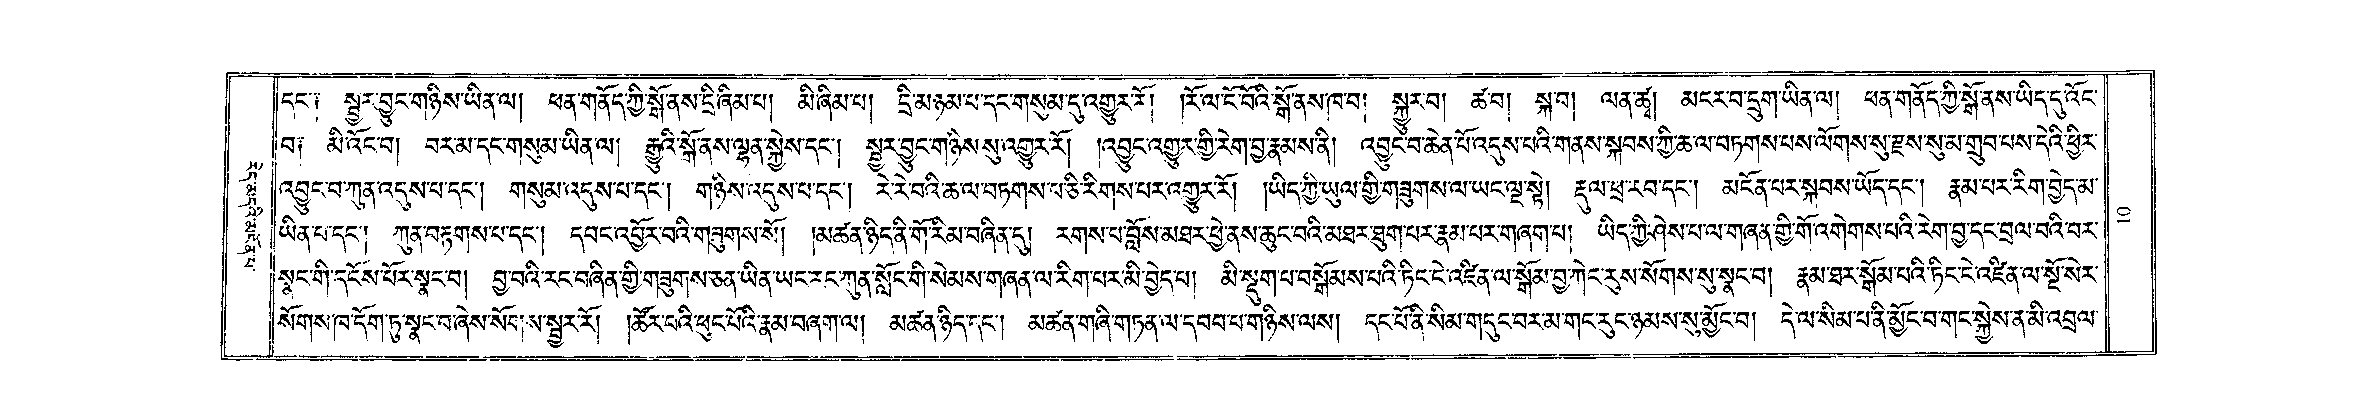དང༑ སྦྱར་བྱུང་གཉིས་ཡིན་ལ། ཕན་གནོད་ཀྱི་སྒོ་ནས་དྲི་ཞིམ་པ། མི་ཞིམ་པ། དྲི་མཉམ་པ་དང་གསུམ་དུ་འགྱུར་རོ། །རོ་ལ་ངོ་བོའི་སྒོ་ནས་ཁ་བ། སྐྱུར་བ། ཚ་བ། སྐ་བ། ལན་ཚྭ། མངར་བ་དྲུག་ཡིན་ལ། ཕན་གནོད་ཀྱི་སྒོ་ནས་ཡིད་དུ་འོང་
བ༑ མི་འོང་བ། བར་མ་དང་གསུམ་ཡིན་ལ། རྒྱུའི་སྒོ་ནས་ལྷན་སྐྱེས་དང་། སྦྱར་བྱུང་གཉིས་སུ་འགྱུར་རོ། །འབྱུང་འགྱུར་གྱི་རེག་བྱ་རྣམས་ནི། འབྱུང་བ་ཆེན་པོ་འདུས་པའི་གནས་སྐབས་ཀྱི་ཆ་ལ་བཏགས་པས་ལོགས་སུ་རྫས་སུ་མ་གྲུབ་པས་དེའི་ཕྱིར་
འབྱུང་བ་ཀུན་འདུས་པ་དང་། གསུམ་འདུས་པ་དང་། གཉིས་འདུས་པ་དང་། རེ་རེ་བའི་ཆ་ལ་བཏགས་པ་ཅི་རིགས་པར་འགྱུར་རོ། །ཡིད་ཀྱི་ཡུལ་གྱི་གཟུགས་ལ་ཡང་ལྔ་སྟེ། རྡུལ་ཕྲ་རབ་དང་། མངོན་པར་སྐབས་ཡོད་དང་། རྣམ་པར་རིག་བྱེད་མ་
ཡིན་པ་དང་། ཀུན་བརྟགས་པ་དང་། དབང་འབྱོར་བའི་གཟུགས་སོ། །མཚན་ཉིད་ནི་གོ་རིམ་བཞིན་དུ། རགས་པ་བློས་མཐར་ཕྱེ་ནས་ཆུང་བའི་མཐར་ཐུག་པར་རྣམ་པར་གཞག་པ། ཡིད་ཀྱི་ཤེས་པ་ལ་གཞན་གྱི་གོ་འགེགས་པའི་རེག་བྱ་དང་བྲལ་བའི་བར་
སྣང་གི་དངོས་པོར་སྣང་བ། བྱ་བའི་རང་བཞིན་གྱི་གཟུགས་ཅན་ཡིན་ཡང་རང་ཀུན་སློང་གི་སེམས་གཞན་ལ་རིག་པར་མི་བྱེད་པ། མི་སྡུག་པ་བསྒོམས་པའི་ཏིང་ངེ་འཛིན་ལ་སྒོམ་བྱ་ཀེང་རུས་སོགས་སུ་སྣང་བ། རྣམ་ཐར་སྒོམ་པའི་ཏིང་ངེ་འཛིན་ལ་སྔོ་སེར་
སོགས་ཁ་དོག་ཏུ་སྣང་བ་ཞེས་སོགས་སྦྱར་རོ། །ཚོར་བའི་ཕུང་པོའི་རྣམ་བཞག་ལ། མཚན་ཉིད་དང་། མཚན་གཞི་གཏན་ལ་དབབ་པ་གཉིས་ལས། དང་པོ་ནི་སིམ་གདུང་བར་མ་གང་རུང་ཉམས་སུ་མྱོང་བ། དེ་ལ་སིམ་པ་ནི་མྱོང་བ་གང་སྐྱེས་ན་མི་འབྲལ་